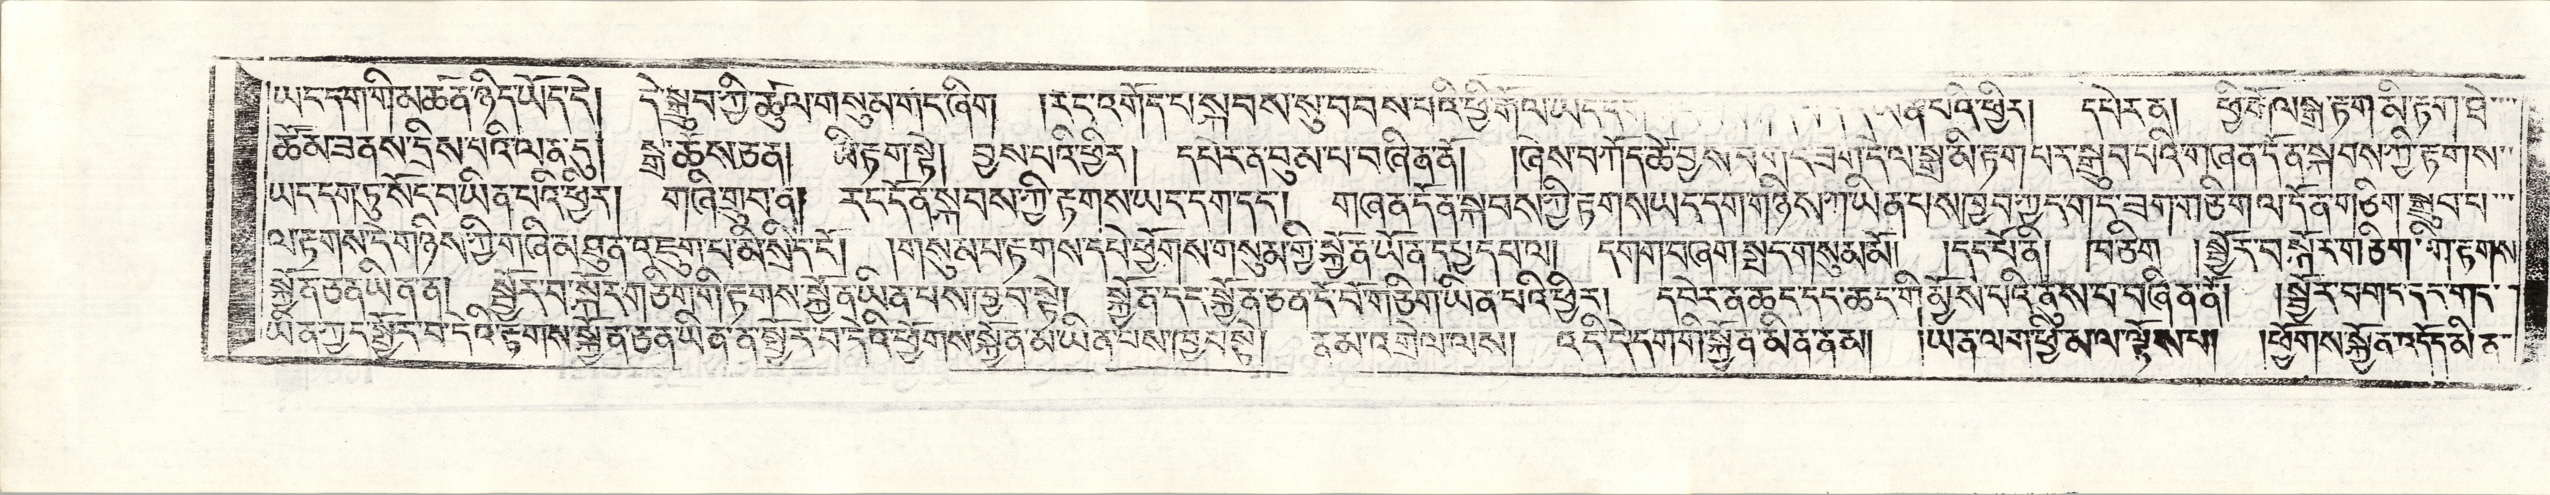ཡང་དག་གི་མཚན་ཉིད་ཡོད་དེ། དེ་སྒྲུབ་ཀྱི་ཚུལ་གསུམ་གང་ཞིག །རང་འགོད་པ་སྐབས་སུ་བབ་པའི་ཕྱི་རྒོལ་ཡང་དག་གི་ངོར་བཀོད་པ་དེ་དེ་ཡིན་པའི་ཕྱིར། དཔེར་ན། ཕྱི་རྒོལ་སྒྲ་རྟག་མི་རྟག་ཐེ་
ཚོམ་ཟ་ནས་དྲིས་པའི་ལན་དུ། སྒྲ་ཆོས་ཅན། མི་རྟག་སྟེ། བྱས་པའི་ཕྱིར། དཔེར་ན་བུམ་པ་བཞིན་ནོ། །ཞེས་བཀོད་ཚེ་བྱས་པ་གང་ཟག་དེ་ལ་སྒྲ་མི་རྟག་པར་སྒྲུབ་པའི་གཞན་དོན་སྐབས་ཀྱི་རྟགས་
ཡང་དག་ཏུ་སོང་བ་ཡིན་པའི་ཕྱིར། གཞི་གྲུབ་ན། རང་དོན་སྐབས་ཀྱི་རྟགས་ཡང་དག་དང་། གཞན་དོན་སྐབས་ཀྱི་རྟགས་ཡང་དག་གཉིས་ཀ་ཡིན་པས་ཁྱབ་ཀྱང་། གང་ཟག་གཅིག་ལ་དོན་གཅིག་སྒྲུབ་པ་ལ་རྟགས་དེ་གཉིས་ཀྱི་གཞི་མཐུན་འཇུག་པ་མི་སྲིད་དོ།
།གསུམ་པ་རྟགས་དཔེ་ཕྱོགས་གསུམ་གྱི་སྐྱོན་ཡོན་དཔྱད་པ་ལ། དགག་བཞག་སྤོང་གསུམ་མོ། །དང་པོ་ནི། ཁ་ཅིག །སྦྱོར་བ་སྐོར་གཅིག་གི་རྟགས་
སྐྱོན་ཅན་ཡིན་ན། སྦྱོར་བ་སྐོར་གཅིག་གི་རྟགས་སྐྱོན་ཡིན་པས་ཁྱབ་སྟེ། སྐྱོན་དང་སྐྱོན་ཅན་ངོ་བོ་གཅིག་ཡིན་པའི་ཕྱིར། དཔེར་ན་ཆང་དང་ཆང་གི་མྱོས་པའི་ནུས་པ་བཞིན་ནོ། །སྦྱོར་བ་གང་དང་གང་
ཡིན་ཀྱང་སྦྱོར་བ་དེའི་རྟགས་སྐྱོན་ཅན་ཡིན་ན་སྦྱོར་བ་དེའི་ཕྱོགས་སྐྱོན་མ་ཡིན་པས་ཁྱབ་སྟེ། རྣམ་འགྲེལ་ལས། འདི་དེ་དག་གི་སྐྱོན་མིན་ནམ། །ཡན་ལག་ཕྱི་མ་ལ་ལྟོས་པ། །ཕྱོགས་སྐྱོན་འདོད་མིན་